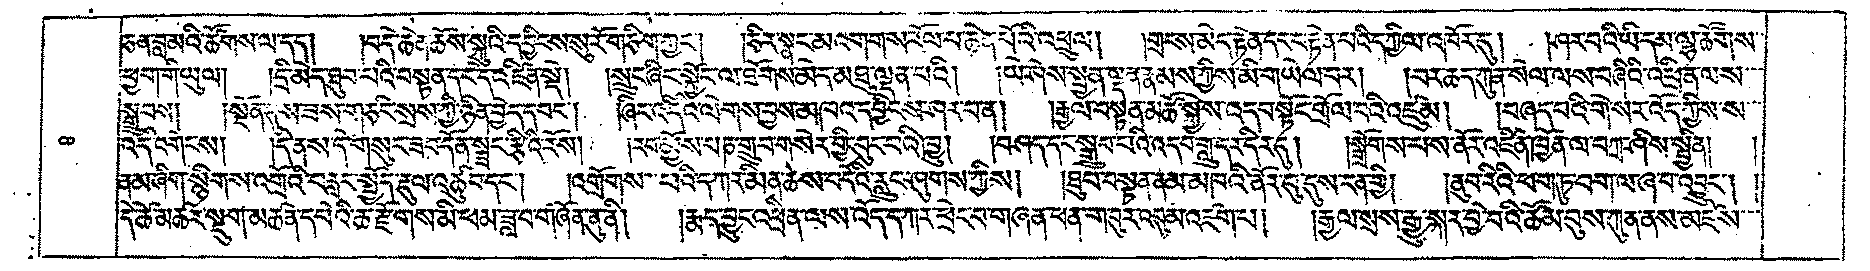ཅན་བླ་མའི་ཚོགས་ལ་དད། །བདེ་ཆེན་ཆོས་སྐུའི་དབྱིངས་སུ་རོ་གཅིག་ཀྱང་། །ཅིར་སྣང་མ་འགགས་རོལ་པ་ཆེན་པོའི་འཕྲུལ། །གྲངས་མེད་རྟེན་དང་བརྟེན་པའི་དཀྱིལ་འཁོར་དུ། །ཤར་བའི་ཡི་དམ་ལྷ་ཚོགས་
ཕྱག་གི་ཡུལ། །དྲི་མེད་ཐུབ་པའི་བསྟན་དང་དེ་འཛིན་སྡེ། །སྲུང་ཞིང་སྐྱོང་ལ་ཐོགས་མེད་མཐུ་ལྡན་པའི། །ཡེ་ཤེས་སྤྱན་ལྡན་རྣམས་ཀྱིས་མི་གཡེལ་བར། །བར་ཆད་ཀུན་སེལ་ལས་བཞིའི་འཕྲིན་ལས་
སྒྲུབས། །སྔོན་དུས་ཟས་གཙང་སྲས་ཀྱི་ཉིན་བྱེད་དབང་། །ཞིང་འདིའི་ལེགས་བྱས་མཁའ་དབྱིངས་ཤར་བ་ན། །རྒྱལ་བསྟན་མཚོ་སྐྱེས་འདབ་སྟོང་གྲོལ་བའི་འཛུམ། །བཞད་པའི་གེ་སར་འོད་ཀྱིས་ས་
འདི་འགེངས། །དེ་ནས་དེ་གསུང་ཟབ་དོན་སྦྲང་རྩིའི་རོས། །རབ་མྱོས་པཎ་གྲུབ་གསེར་གྱི་བུང་བའི་ཁྱུ། །བཤད་དང་སྒྲུབ་པའི་འདབ་གླུ་དར་དིར་དུ། །སྒྲོགས་པས་ནོར་འཛིན་ཁྱོན་ལ་བཀྲ་ཤིས་སྦྱིན། །
ནམ་ཞིག་སྙིགས་འགྲོའི་བརླང་སྤྱོད་རྡུལ་འཚུབ་དང་། །འགྲོགས་པའི་དཀར་མིན་ཆེས་བདེའི་རླུང་ཤུགས་ཀྱིས། །ཐུབ་བསྟན་ནམ་མཁའི་ནོར་བུ་དུས་ངན་གྱི། །ནུབ་རིའི་ཕག་ཏུ་བག་ལ་ཞ་བ་འབྱུང་། །
དེ་ཚེ་མཚར་སྡུག་མཚན་དཔེའི་ཆ་རྫོགས་མི་ཕམ་ཟླ་བ་གཞོན་ནུ་ནི། །རྨད་བྱུང་འཕྲིན་ལས་འོད་དཀར་ཕྲེང་བ་གཞན་ཕན་ག་བུར་འབུམ་འཛག་པ། །རྒྱལ་སྲས་རྒྱུ་སྐར་བྱེ་བའི་ཚོམ་བུས་ཀུན་ནས་མཛེས་